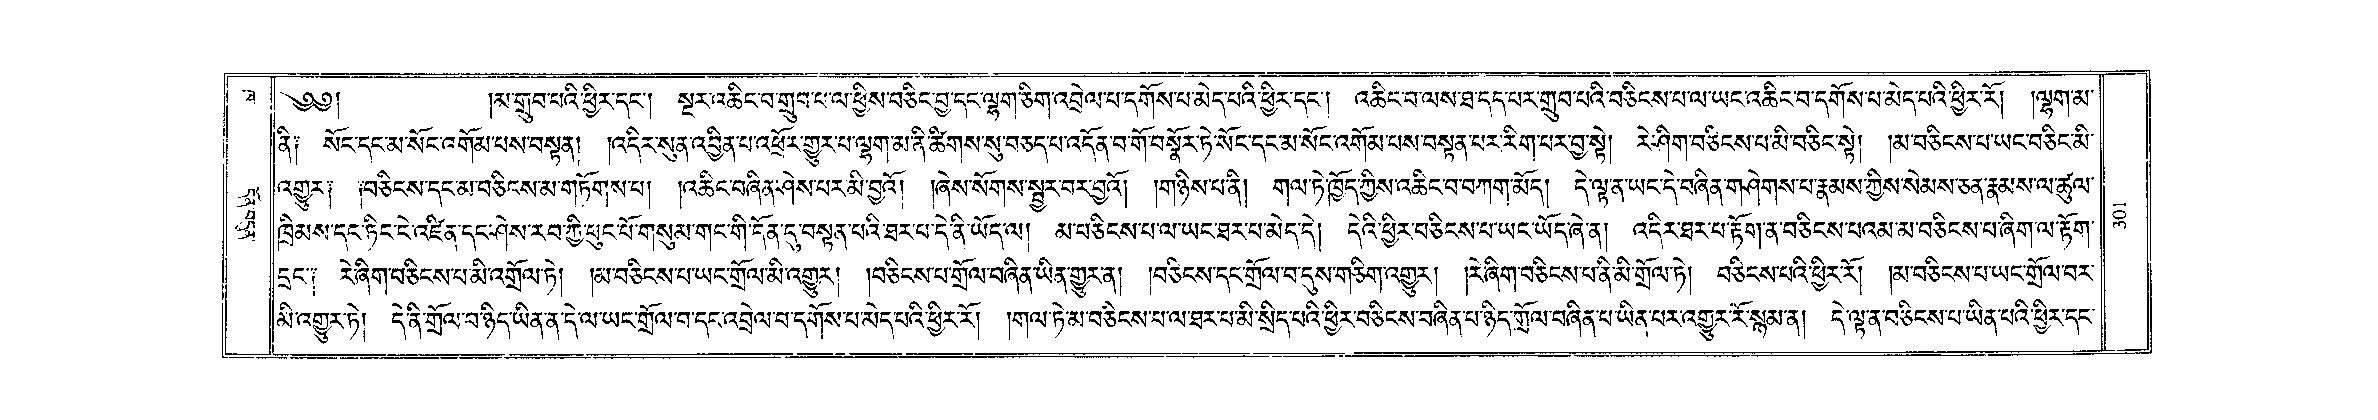༄༅། །མ་གྲུབ་པའི་ཕྱིར་དང་། སྔར་འཆིང་བ་གྲུབ་པ་ལ་ཕྱིས་བཅིང་བྱ་དང་ལྷག་ཅིག་འབྲེལ་པ་དགོས་པ་མེད་པའི་ཕྱིར་དང་། འཆིང་བ་ལས་ཐ་དད་པར་གྲུབ་པའི་བཅིངས་པ་ལ་ཡང་འཆིང་བ་དགོས་པ་མེད་པའི་ཕྱིར་རོ། །ལྷག་མ་
ནི༑ སོང་དང་མ་སོང་འགོམ་པས་བསྟན། །འདིར་སུན་འབྱིན་པ་འཕྲོར་གྱུར་པ་ལྷག་མ་ནི་ཚིགས་སུ་བཅད་པ་འདོན་བ་གོ་བསྣོར་ཏེ་སོང་དང་མ་སོང་འགོམ་པས་བསྟན་པར་རིག་པར་བྱ་སྟེ། རེ་ཤིག་བཅིངས་པ་མི་བཅིང་སྟེ། །མ་བཅིངས་པ་ཡང་བཅིང་མི་
འགྱུར༑ ༑བཅིངས་དང་མ་བཅིངས་མ་གཏོགས་པ། །འཆིང་བཞིན་ཤེས་པར་མི་བྱའོ། །ཞེས་སོགས་སྦྱར་བར་བྱའོ། །གཉིས་པ་ནི། གལ་ཏེ་ཁྱོད་ཀྱིས་འཆིང་བ་བཀག་མོད། དེ་ལྟ་ན་ཡང་དེ་བཞིན་གཤེགས་པ་རྣམས་ཀྱིས་སེམས་ཅན་རྣམས་ལ་ཚུལ་
ཁྲིམས་དང་ཏིང་ངེ་འཛིན་དང་ཤེས་རབ་ཀྱི་ཕུང་པོ་གསུམ་གང་གི་དོན་དུ་བསྟན་པའི་ཐར་པ་དེ་ནི་ཡོད་ལ། མ་བཅིངས་པ་ལ་ཡང་ཐར་པ་མེད་དེ། དེའི་ཕྱིར་བཅིངས་པ་ཡང་ཡོད་ཞེ་ན། འདིར་ཐར་པ་རྟོག་ན་བཅིངས་པའམ་མ་བཅིངས་པ་ཞིག་ལ་རྟོག་
དྲང༑ རེ་ཞིག་བཅིངས་པ་མི་འགྲོལ་ཏེ། །མ་བཅིངས་པ་ཡང་གྲོལ་མི་འགྱུར། །བཅིངས་པ་གྲོལ་བཞིན་ཡིན་གྱུར་ན། །བཅིངས་དང་གྲོལ་བ་དུས་གཅིག་འགྱུར། །རེ་ཞིག་བཅིངས་པ་ནི་མི་གྲོལ་ཏེ། བཅིངས་པའི་ཕྱིར་རོ། །མ་བཅིངས་པ་ཡང་གྲོལ་བར་
མི་འགྱུར་ཏེ། དེ་ནི་གྲོལ་བ་ཉིད་ཡིན་ན་དེ་ལ་ཡང་གྲོལ་བ་དང་འབྲེལ་བ་དགོས་པ་མེད་པའི་ཕྱིར་རོ། །གལ་ཏེ་མ་བཅིངས་པ་ལ་ཐར་པ་མི་སྲིད་པའི་ཕྱིར་བཅིངས་བཞིན་པ་ཉིད་གྲོལ་བཞིན་པ་ཡིན་པར་འགྱུར་རོ་སྙམ་ན། དེ་ལྟ་ན་བཅིངས་པ་ཡིན་པའི་ཕྱིར་དང་